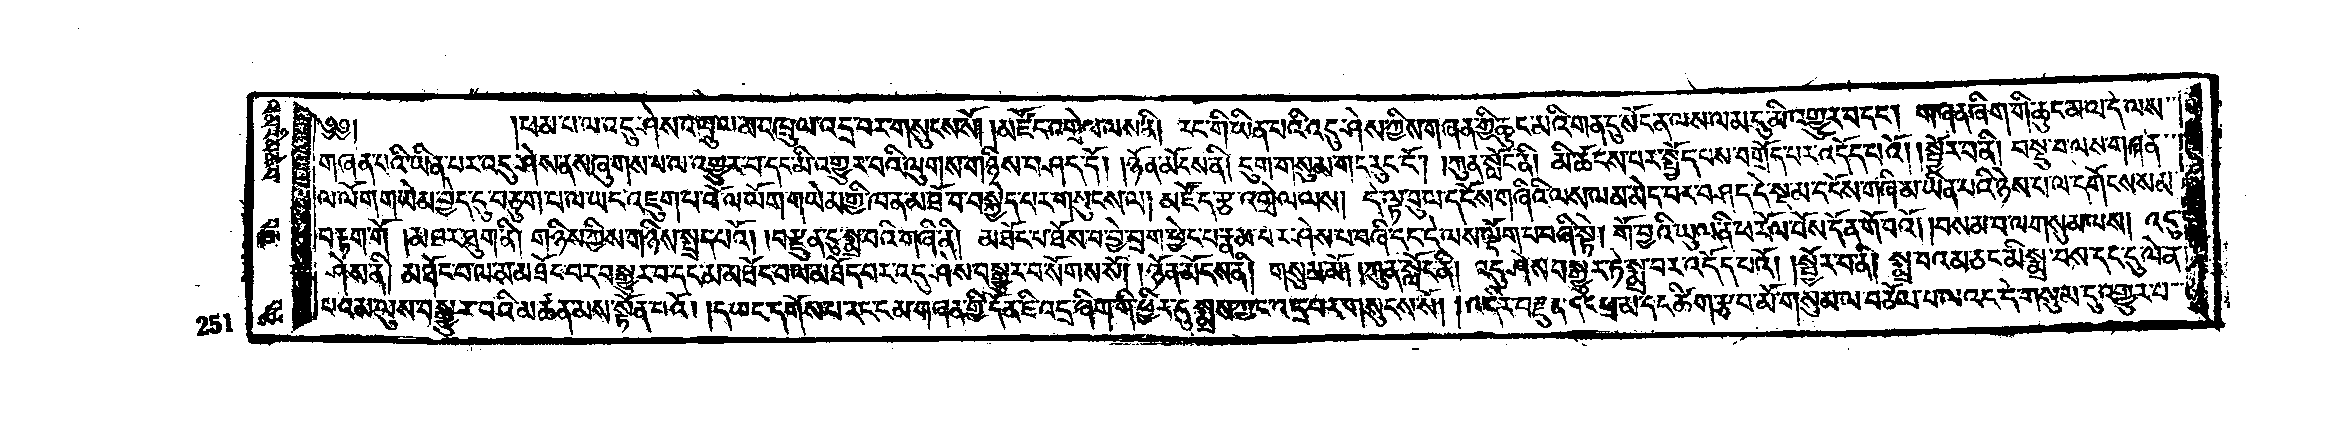༄༅། །ཕམ་པ་ལ་འདུ་ཤེས་འཁྲུལ་མ་འཁྲུལ་འདྲ་བར་གསུངས་སོ། །མཛོད་འགྲེལ་ལས་ནི། རང་གི་ཡིན་པའི་འདུ་ཤེས་ཀྱིས་གཞན་གྱི་ཆུང་མའི་གན་དུ་སོང་ན་ལས་ལམ་དུ་མི་འགྱུར་བ་དང་། གཞན་ཞིག་གི་ཆུང་མ་ལ་དེ་ལས་
གཞན་པའི་ཡིན་པར་འདུ་ཤེས་ནས་ཞུགས་པ་ལ་འགྱུར་བ་དང་མི་འགྱུར་བའི་ལུགས་གཉིས་བཤད་དོ། །ཉོན་མོངས་ནི། དུག་གསུམ་གང་རུང་ངོ། །ཀུན་སློང་ནི། མི་ཚངས་པར་སྤྱོད་པས་བགྲོད་པར་འདོད་པའོ། །སྦྱོར་བ་ནི། བསྡུ་བ་ལས་གཞན་
ལ་ལོག་གཡེམ་བྱེད་དུ་བཅུག་པ་ལ་ཡང་འཇུག་པ་པོ་ལ་ལོག་གཡེམ་གྱི་ཁ་ན་མ་ཐོ་བ་བསྐྱེད་པར་གསུངས་ལ། མཛོད་རྩ་འགྲེལ་ལས། དེ་ལྟ་བུ་ལ་དངོས་གཞིའི་ལས་ལམ་མེད་པར་བཤད་དེ་སྔ་མ་དངོས་གཞི་མ་ཡིན་པའི་ཉེས་པ་ལ་དགོངས་སམ་
བརྟག་གོ །མཐར་ཐུག་ནི། གཉིས་ཀྱིས་གཉིས་སྤྲད་པའོ། །བརྫུན་དུ་སྨྲ་བའི་གཞི་ནི། མཐོང་བ་ཐོས་པ་བྱེ་བྲག་ཕྱེད་པ་རྣམ་པར་ཤེས་པ་བཞི་དང་དེ་ལས་ལྡོག་པ་བཞི་སྟེ། གོ་བྱའི་ཡུལ་ནི་ཕ་རོལ་པོས་དོན་གོ་བའོ། །བསམ་པ་ལ་གསུམ་ལས། འདུ་
ཤེས་ནི། མཐོང་བ་ལ་མ་མཐོང་བར་བསྒྱུར་བ་དང་མ་མཐོང་བ་ལ་མཐོང་བར་འདུ་ཤེས་བསྒྱུར་བ་སོགས་སོ། །ཉོན་མོངས་ནི། གསུམ་མོ། །ཀུན་སློང་ནི། འདུ་ཤེས་བསྒྱུར་ཏེ་སྨྲ་བར་འདོད་པའོ། །སྦྱོར་བ་ནི། སྨྲ་བའམ་ཅང་མི་སྨྲ་བས་དང་དུ་ལེན་
པའམ་ལུས་བསྒྱུར་བའི་མཚན་མས་སྟོན་པའོ། །དེ་ཡང་དགོས་པ་རང་ངམ་གཞན་གྱི་དོན་ཇི་འདྲ་ཞིག་གི་ཕྱིར་དུ་སྨྲས་ཀྱང་འདྲ་བར་གསུངས་སོ། །འདིར་བརྫུན་དང་ཕྲ་མ་དང་ཚིག་རྩུབ་མོ་གསུམ་ལ་བཅོལ་བ་ལའང་དེ་གསུམ་དུ་འགྱུར་བར་